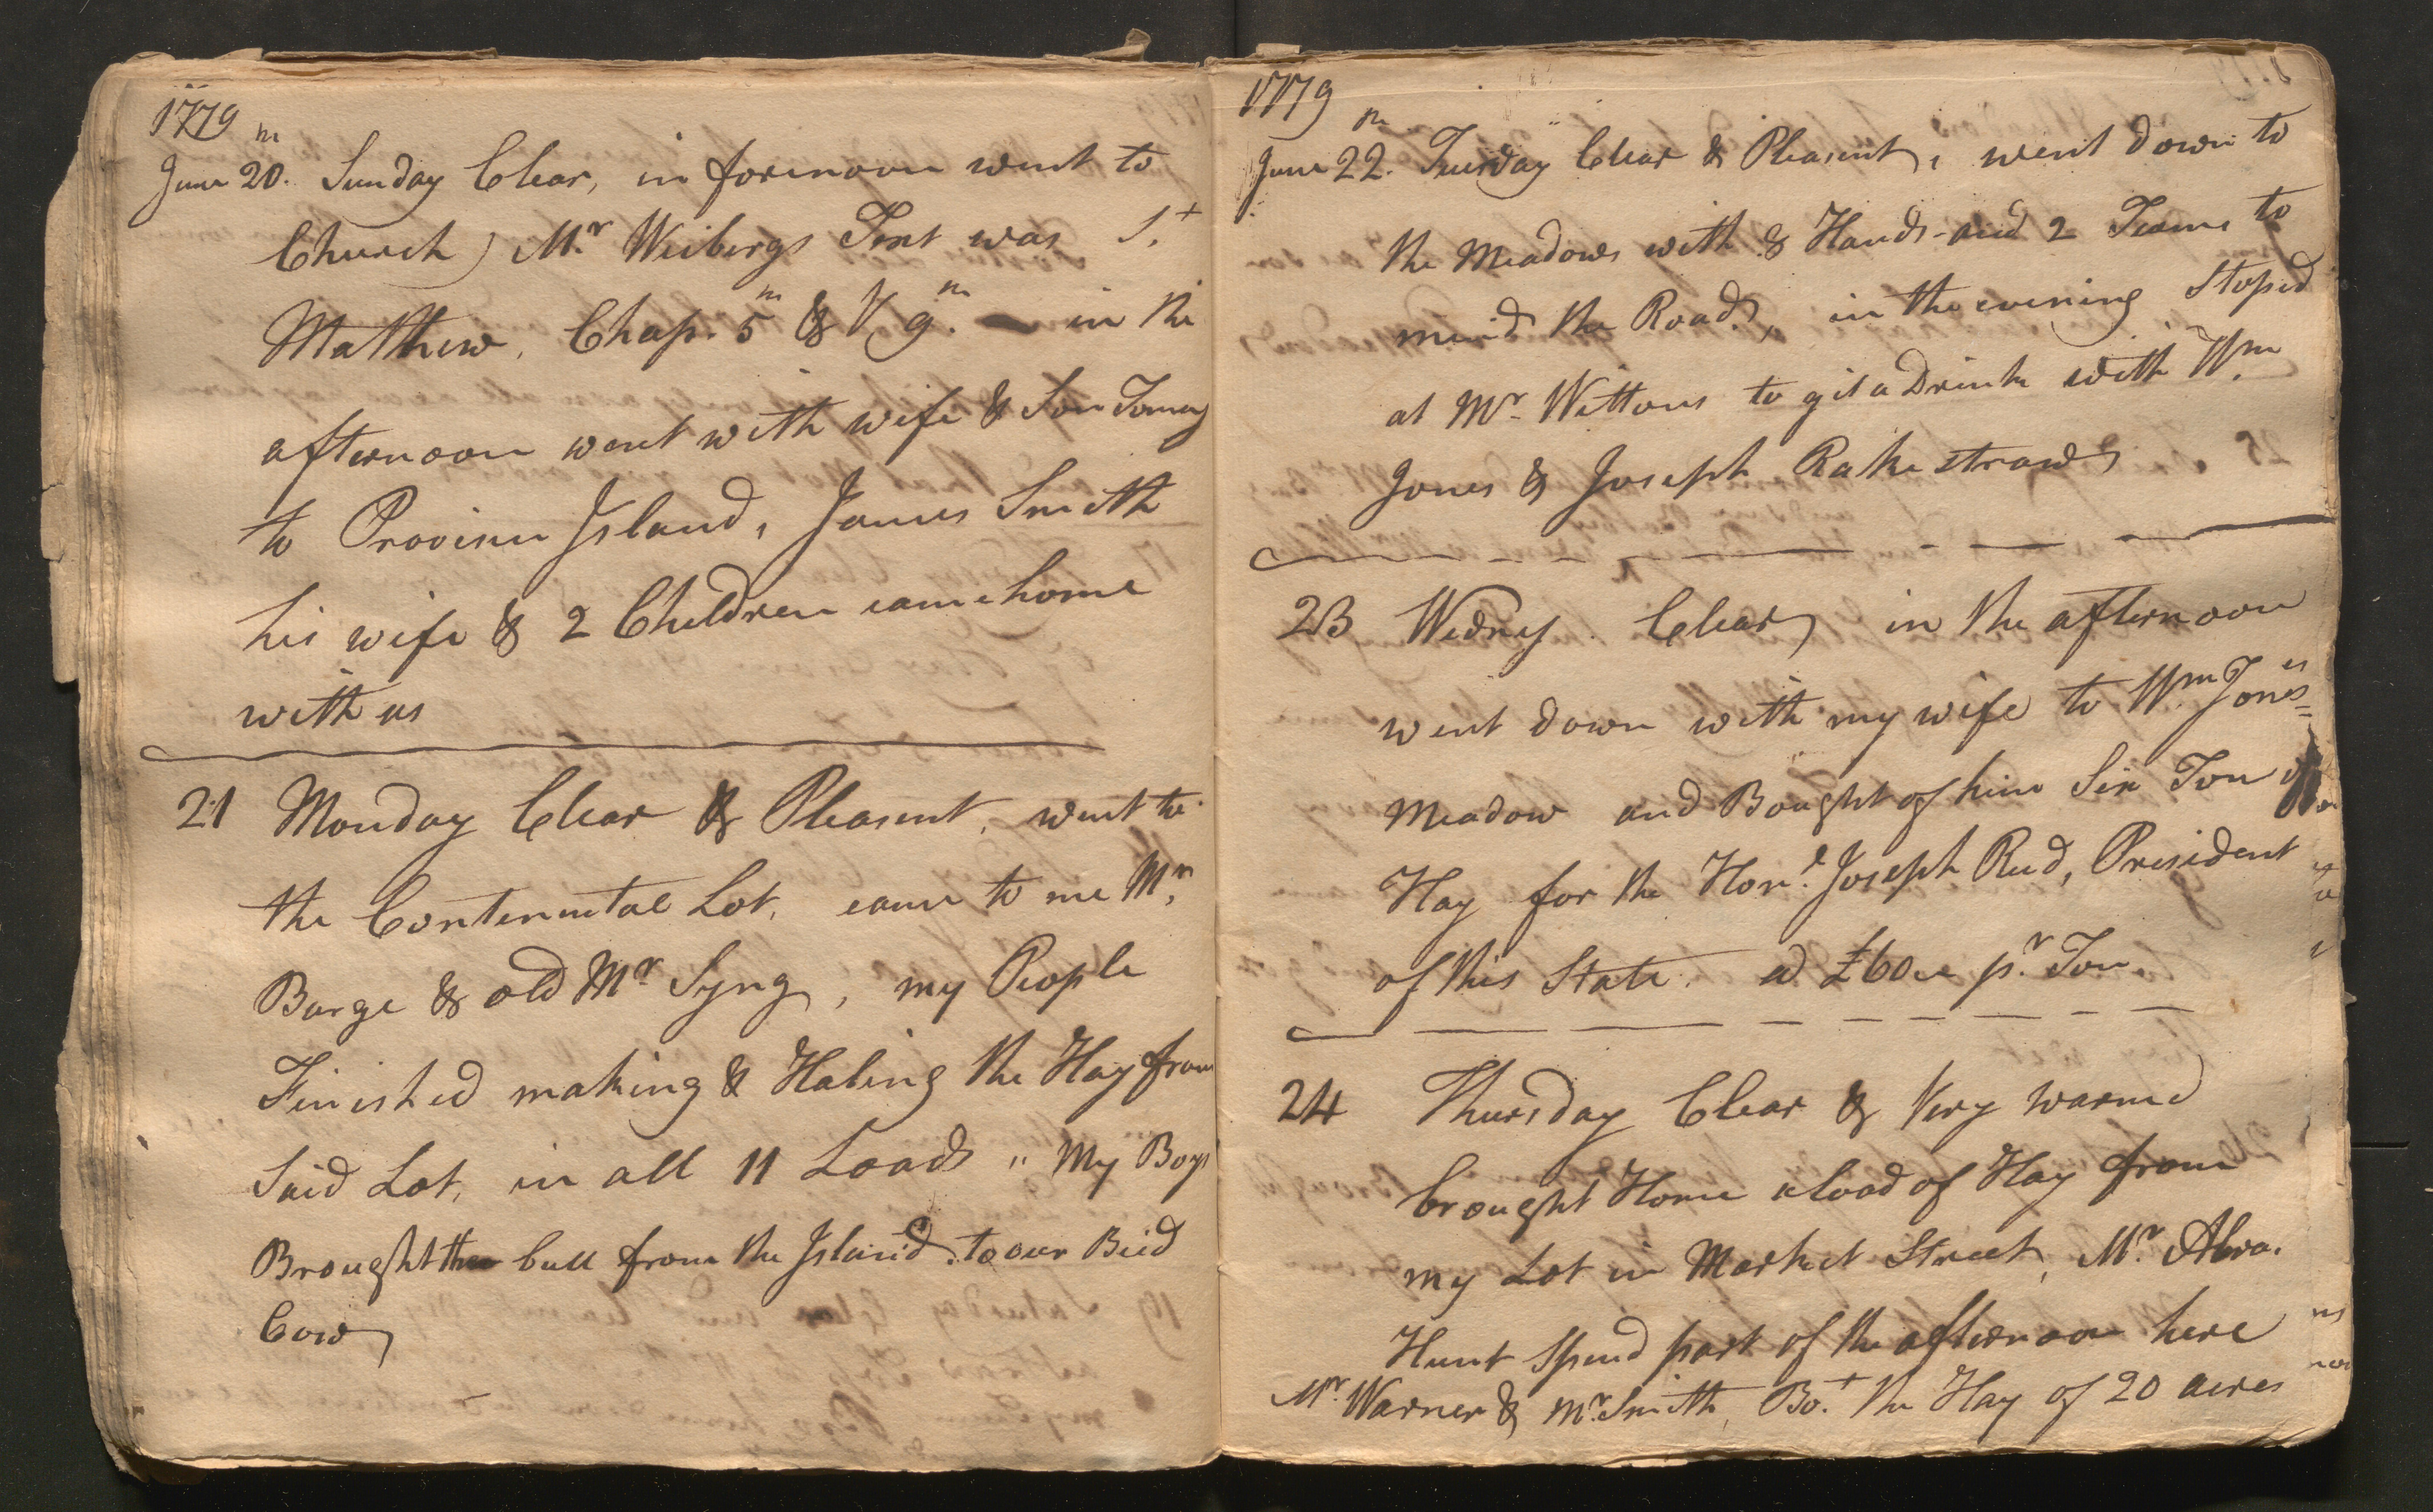1779
June 20^th. Sunday Clear, in forenoon went to
Church) M^r. Weibergs Text was S^t.
Matthew, Chap. 5^th & V 9^th. in the
afternoon went with wife & son Tomey
to Province Island, James Smith
his wife & 2 Children came home
with us
21 Monday Clear & Pleasent, went to
the Continental Lot. came to me M^r.
Barge & old M^r Syng, my People
Finished making & Haling the Hay from
Said Lot, in all 11 Loads. My Boy
Brought the bull from the Island to our Beid
Cow
1779
June 22^th Tuesday Clear &s Pleasent, went down to
the Meadows with 8 Hands and 2 Teams to
mud the Roads, in the evening stoped
at M^r. Wittons to git a Drink with W^m.
Jones & Joseph Rake straws
23 Wednes. Clear in the afternoon
went down with my wife to W^m. Jones^es
Meadow and Bought of him Six Ton of
Hay for the Hon^l. Joseph Reed, President
of this State- @ £60- p^r. Ton
24 Thursday Clear & Very warme
brought Home a load of Hay from
my Lot in Market Street M^r. Abra.
Hunt spend past of the afternoon here
M^r. Warner & M^r Smith Bo^t. the Hay of 20 acres